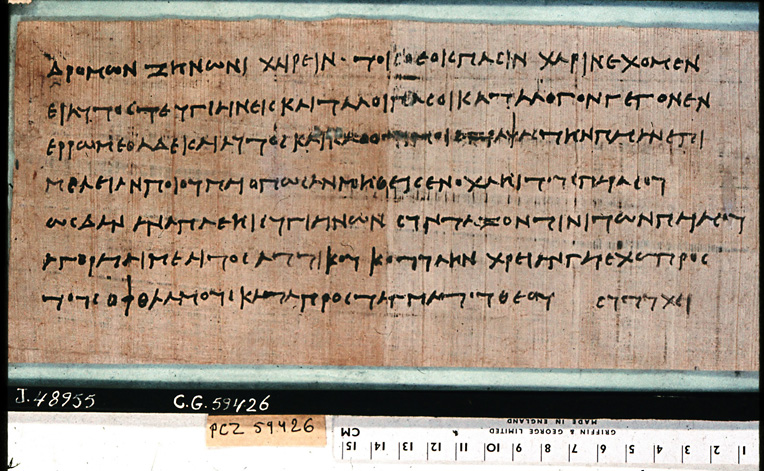δρομων ζηνωνι χαιρειν·τοιϲθεοιϲπαϲιν χαρινεχομεν
ειαυτοϲτευγιαινειϲκαιταλοιπαϲοικαταλογονγεγονεν
ερρωμεθαδεκαιαυτοϲκαικαθοτιμοιεγραψαϲτηνπαϲανεπι
μελειανποιουμαιοπωϲανμηθειϲενοχληιτουϲπαραϲου
ωϲδαναναπλεηιϲυγιαινωνϲυνταξοντινιτωνπαραϲου
αγοραϲαιμελιτοϲαττικουκοτυληνχρειανγαρεχωπροϲ
τουϲοφθαλμουϲκαταπροϲταγματουθεου ευτυχει